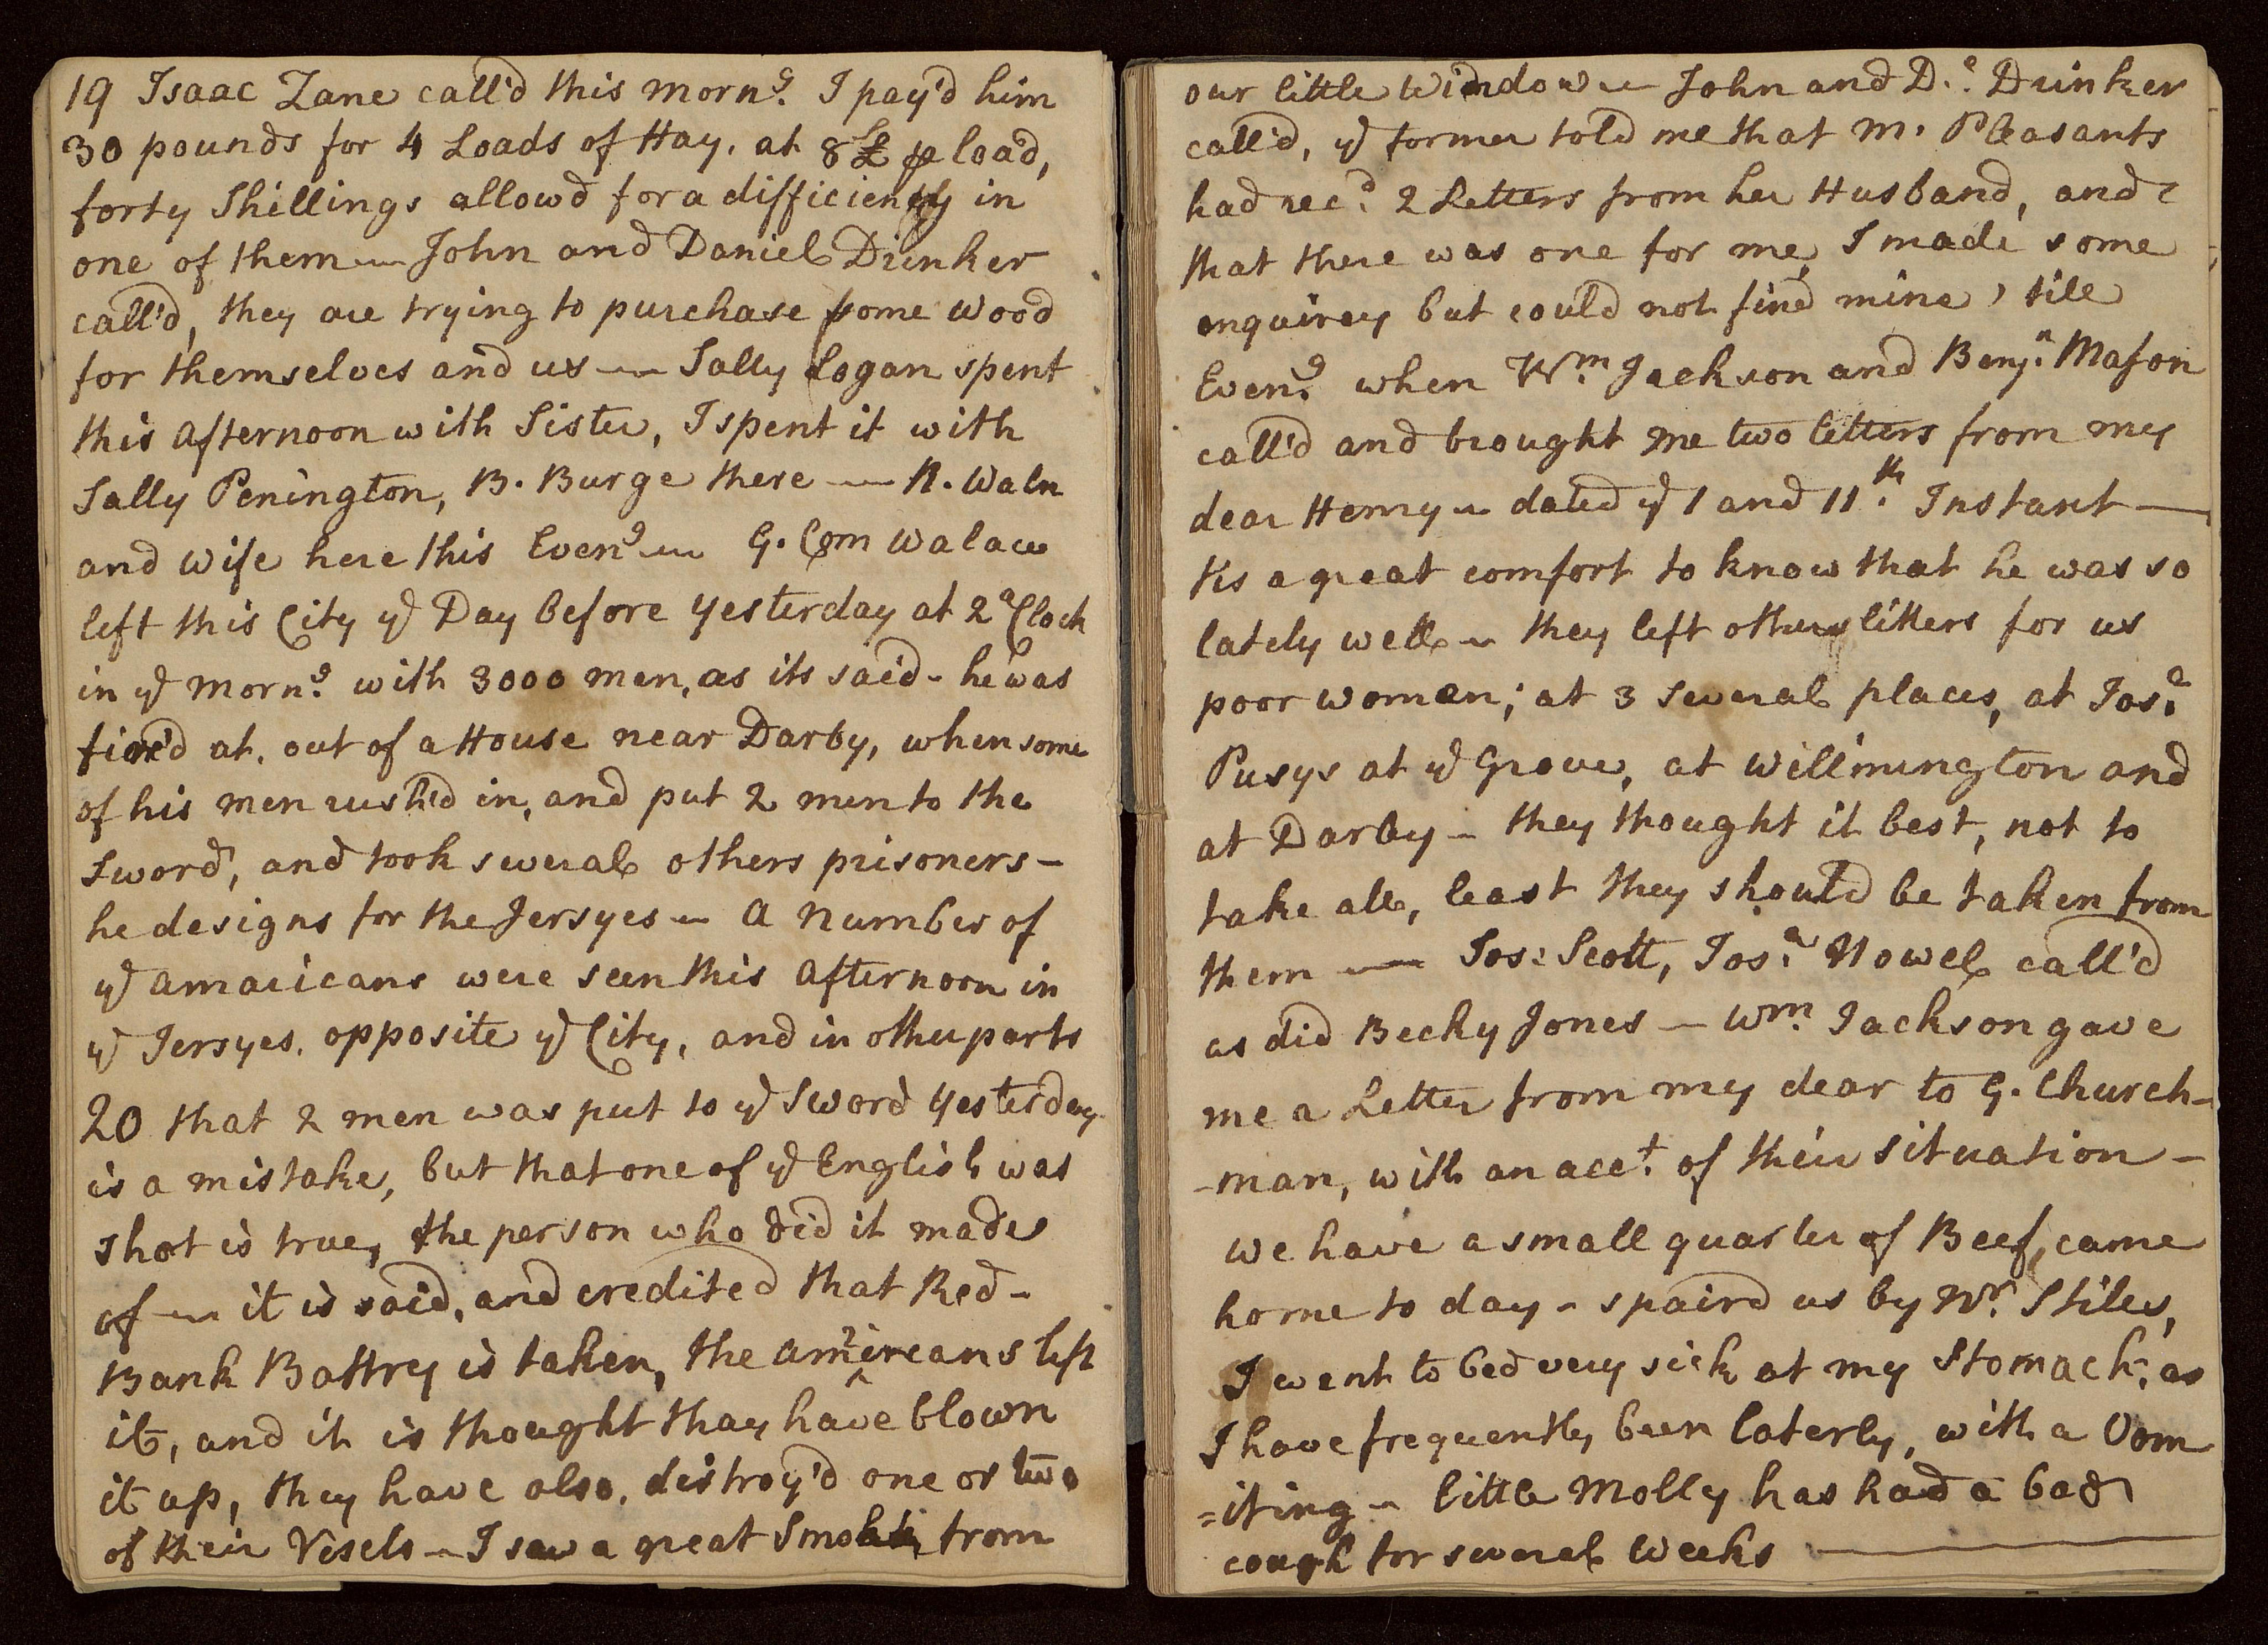19 Isaac Zane call'd this morn^g. I pay'd him
30 pounds for 4 Loads of Hay. at 8£ per load,
forty Shillings allowd for a difficiency in
one of them- John and Daniel Drinker
call'd, they are trying to purchase some wood
for themselves and us- Sally Logan spent
this Afternoon with Sister, I spent it with
Sally Penington, B. Burge there- R. Waln
and Wife here this Even^g- G. Corn Walace
left this City y^e Day before yesterday at 2 oClock
in y^e morn^g. with 3000 men, as its said- he was
fire'd at, out of a House near Darby, when some
of his men rush'd in, and put 2 men to the
Sword, and took several others prisoners-
he designs for the Jersyes- A number of
y^e Amaricans were seen this Afternoon in
y^e Jersyes, opposite y^e City, and in other parts
20 that 2 men was put to y^e Sword Yesterday
is a mistake, but that one of y^e English was
shot is true, the person who did it made
of - it is said, and credited that Red-
Bank Battry is taken, the Am^r ircans left
it, and it is thought thay have blown
it up, they have also, destroy'd one or two
of their Vesels- I saw a great Smokk from
our little Window - John and D^l. Drinker
calld, y^e former told me that M. Pleasants
had rec^d 2 Letters from her Husband, and
that there was one for me I made some
enquirey but could not find mine , till
Even^g. when W^m. Jackson and Benj^n. Mason
call'd and brought me two letters from my
dear Henry - dated y^e 1 and 11^h. Instant-
tis a great comfort to know that he was so
lately well- they left other litters for us
poor women; at 3 several places, at Jos^l.
Pusys at y^e Grove, at Willmington and
at Darby- they thought it best, not to
take all, least they should be taken from
them- Jos: Scott, Jos^a. Howel call'd
as did Becky Jones- W^m. Jackson gave
me a Letter from my dear to G. Church-
-man, with an acc^t. of their situation-
we have a small quarler of Beef, came
home to days - spaird us by W^m. Stiles,
I went to bed very sick at my stomach: as
I have frequently been laterly, will a Vom
-iting- little Molly has had a bad
cough for several weeks